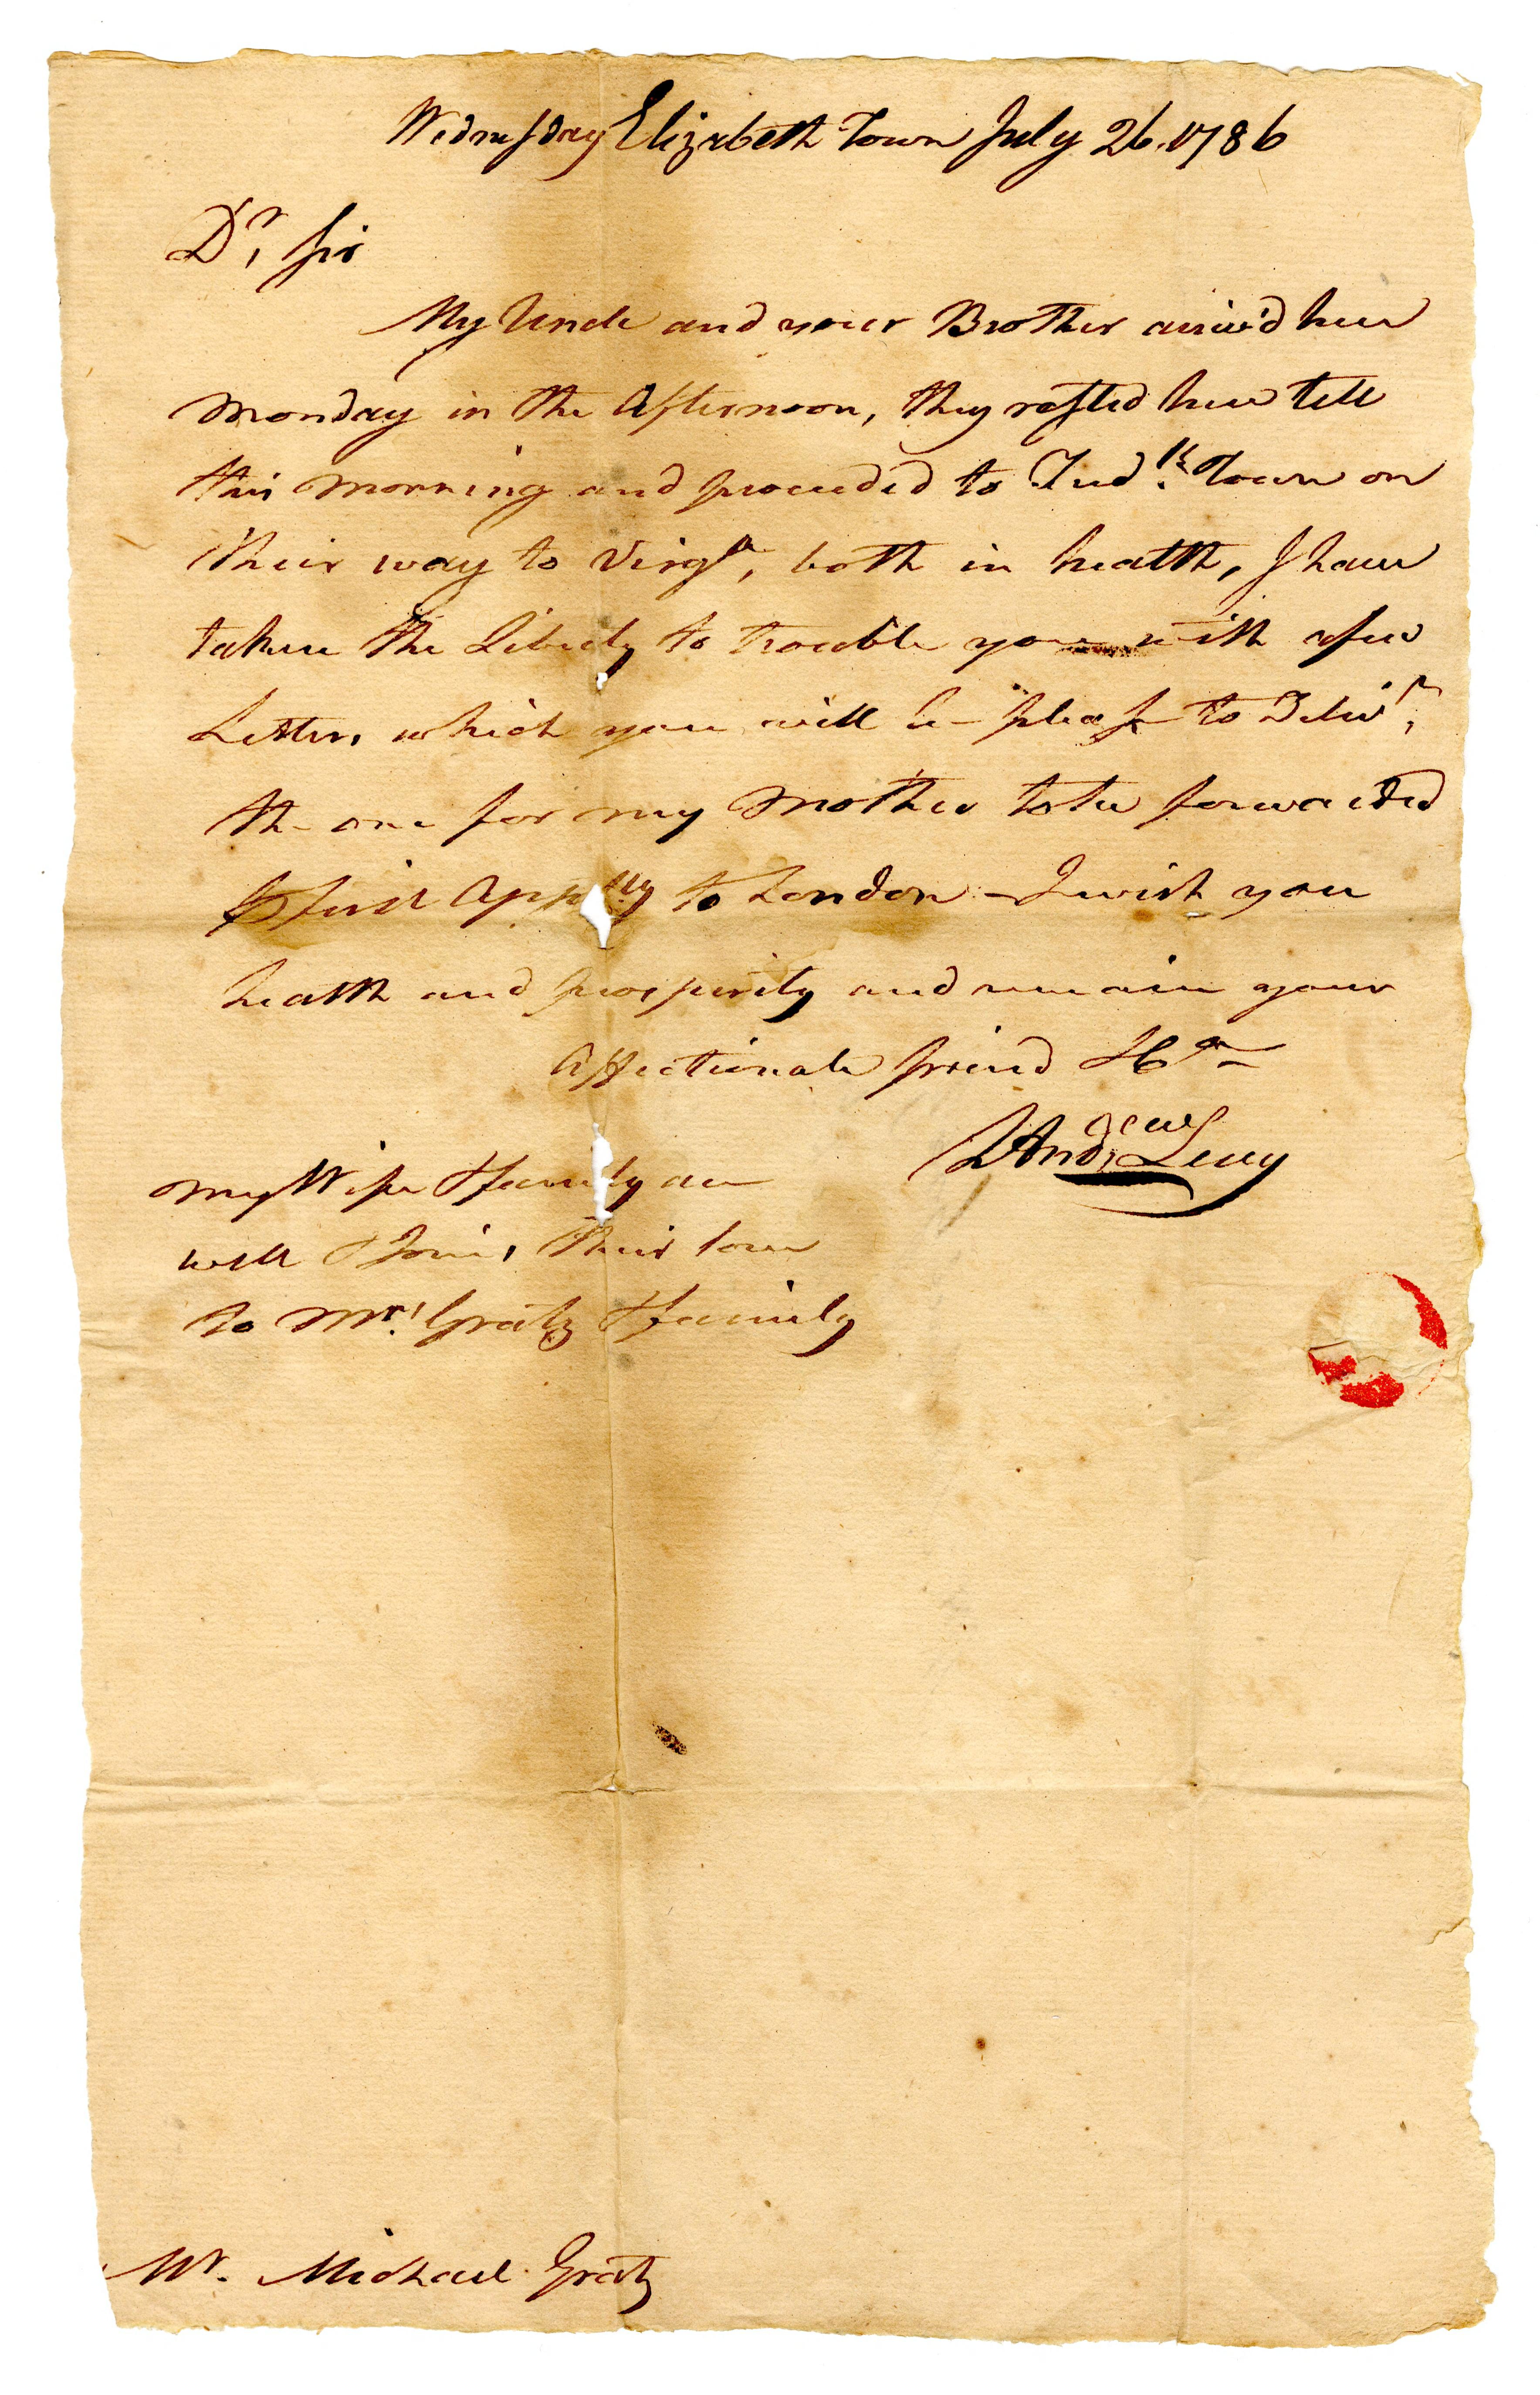Wednesday Elizabeth Town July 26. 1786
D^r. sir
My Uncle and your Brother arriv'd heer
monday in the Afternoon, they rested heer till
this morning and proceeded to Tud^k town on
their way to Virg^a, both in health, I have
taken the Liberty to trouble you with a few
Letters, which you will be please to Deliv^r.
the one for my mother to the forwarded
per first opp^ty to London- I wish you
health and prosperity and remain your
Affectionate friend H^le
And^rew Levy
My wife & family are
well & Joyns their love
to M^rs. Gratz & family
M^r. Michael Gratz